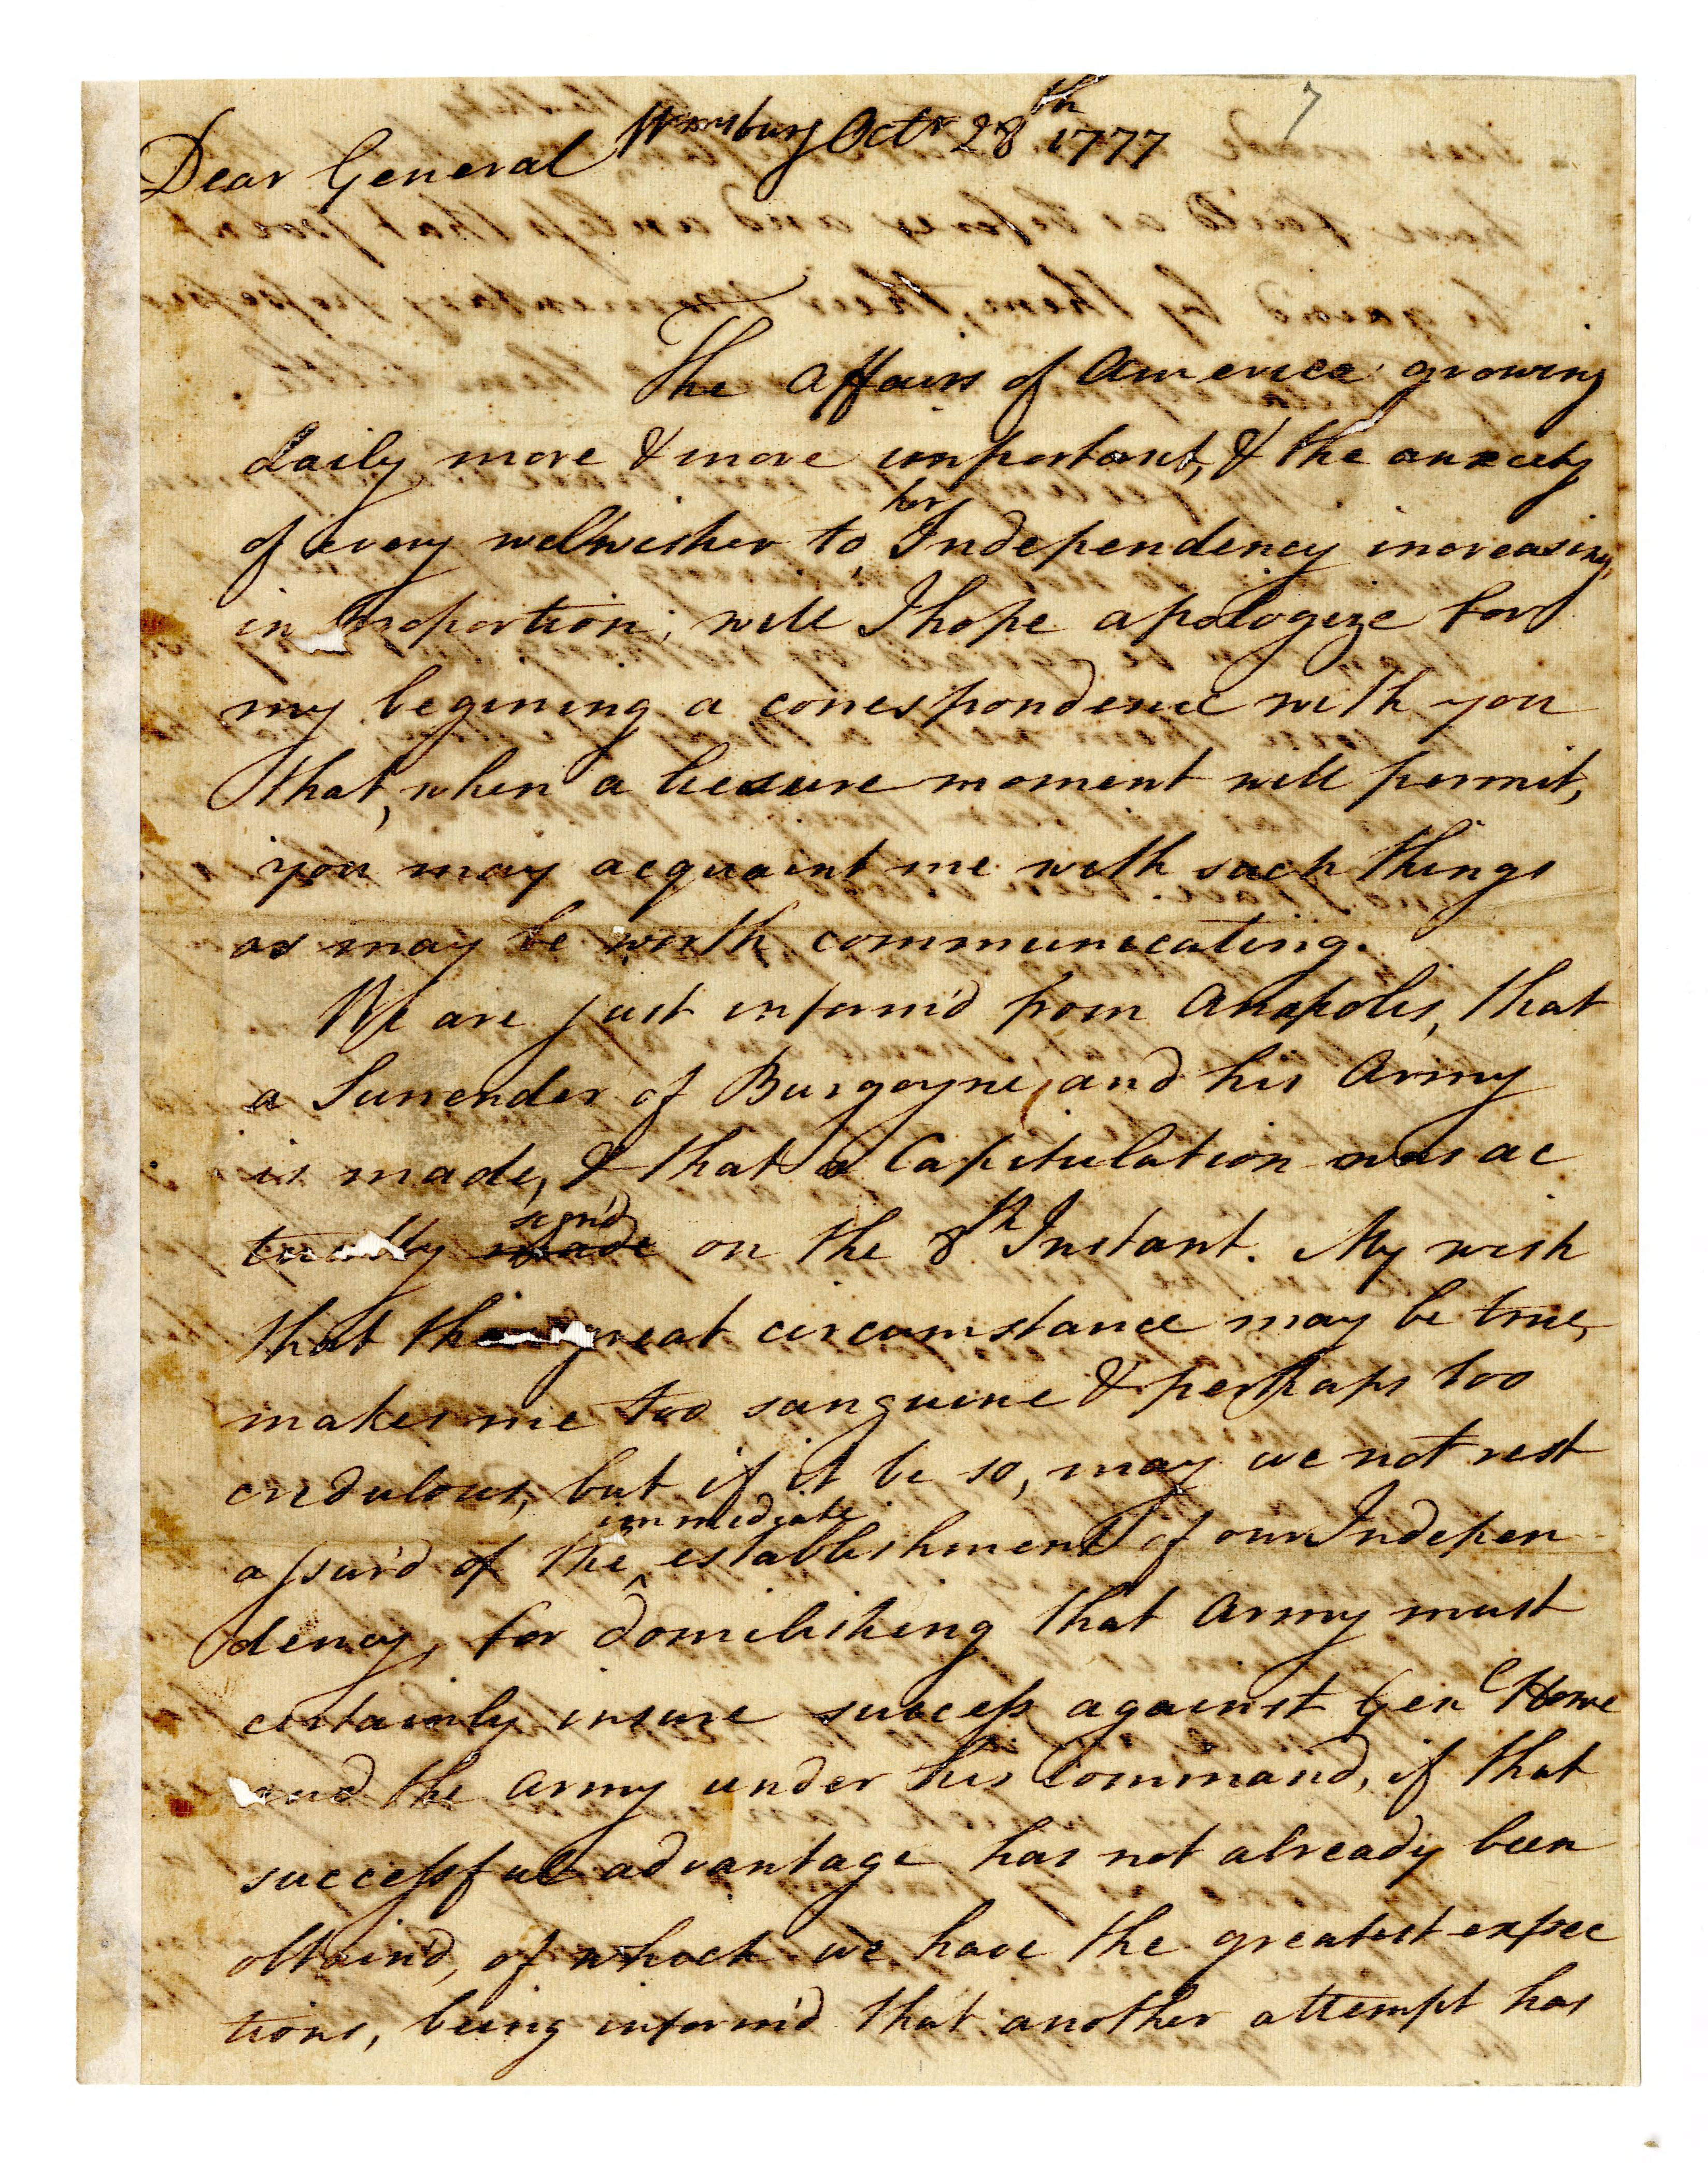Wmsburg Oct^r 28^th 1777
Dear General
The affairs of America growing
daily more & more important, & the anxiety
her
of every wellwisher to Independency increasing
in proportion; will I hope apologize for
my beginning a correspondence with you
that, when a leisure moment will permit,
you may acquaint me with such things
as may be worth communicating.
We are just inform'd from Anapolis, that
a Surrender of Burgoyne and his Army
is made, & that a Capitulation was ac
sign'd
tually [made] on the 8^th Instant. My wish
that this great circumstance may be true,
makes me too sanguine & perhaps too
credulous, but if it be so, may we not rest
immediate
assur'd of the ^ establishment of our Indepen
dency, for domihihing that Army must
certainly insure success against Gen^l. Howe
and the army under his command, if that
successful advantage has not already been
obtain'd, of which we have the greatest expec
tions, being inform'd that another attempt has